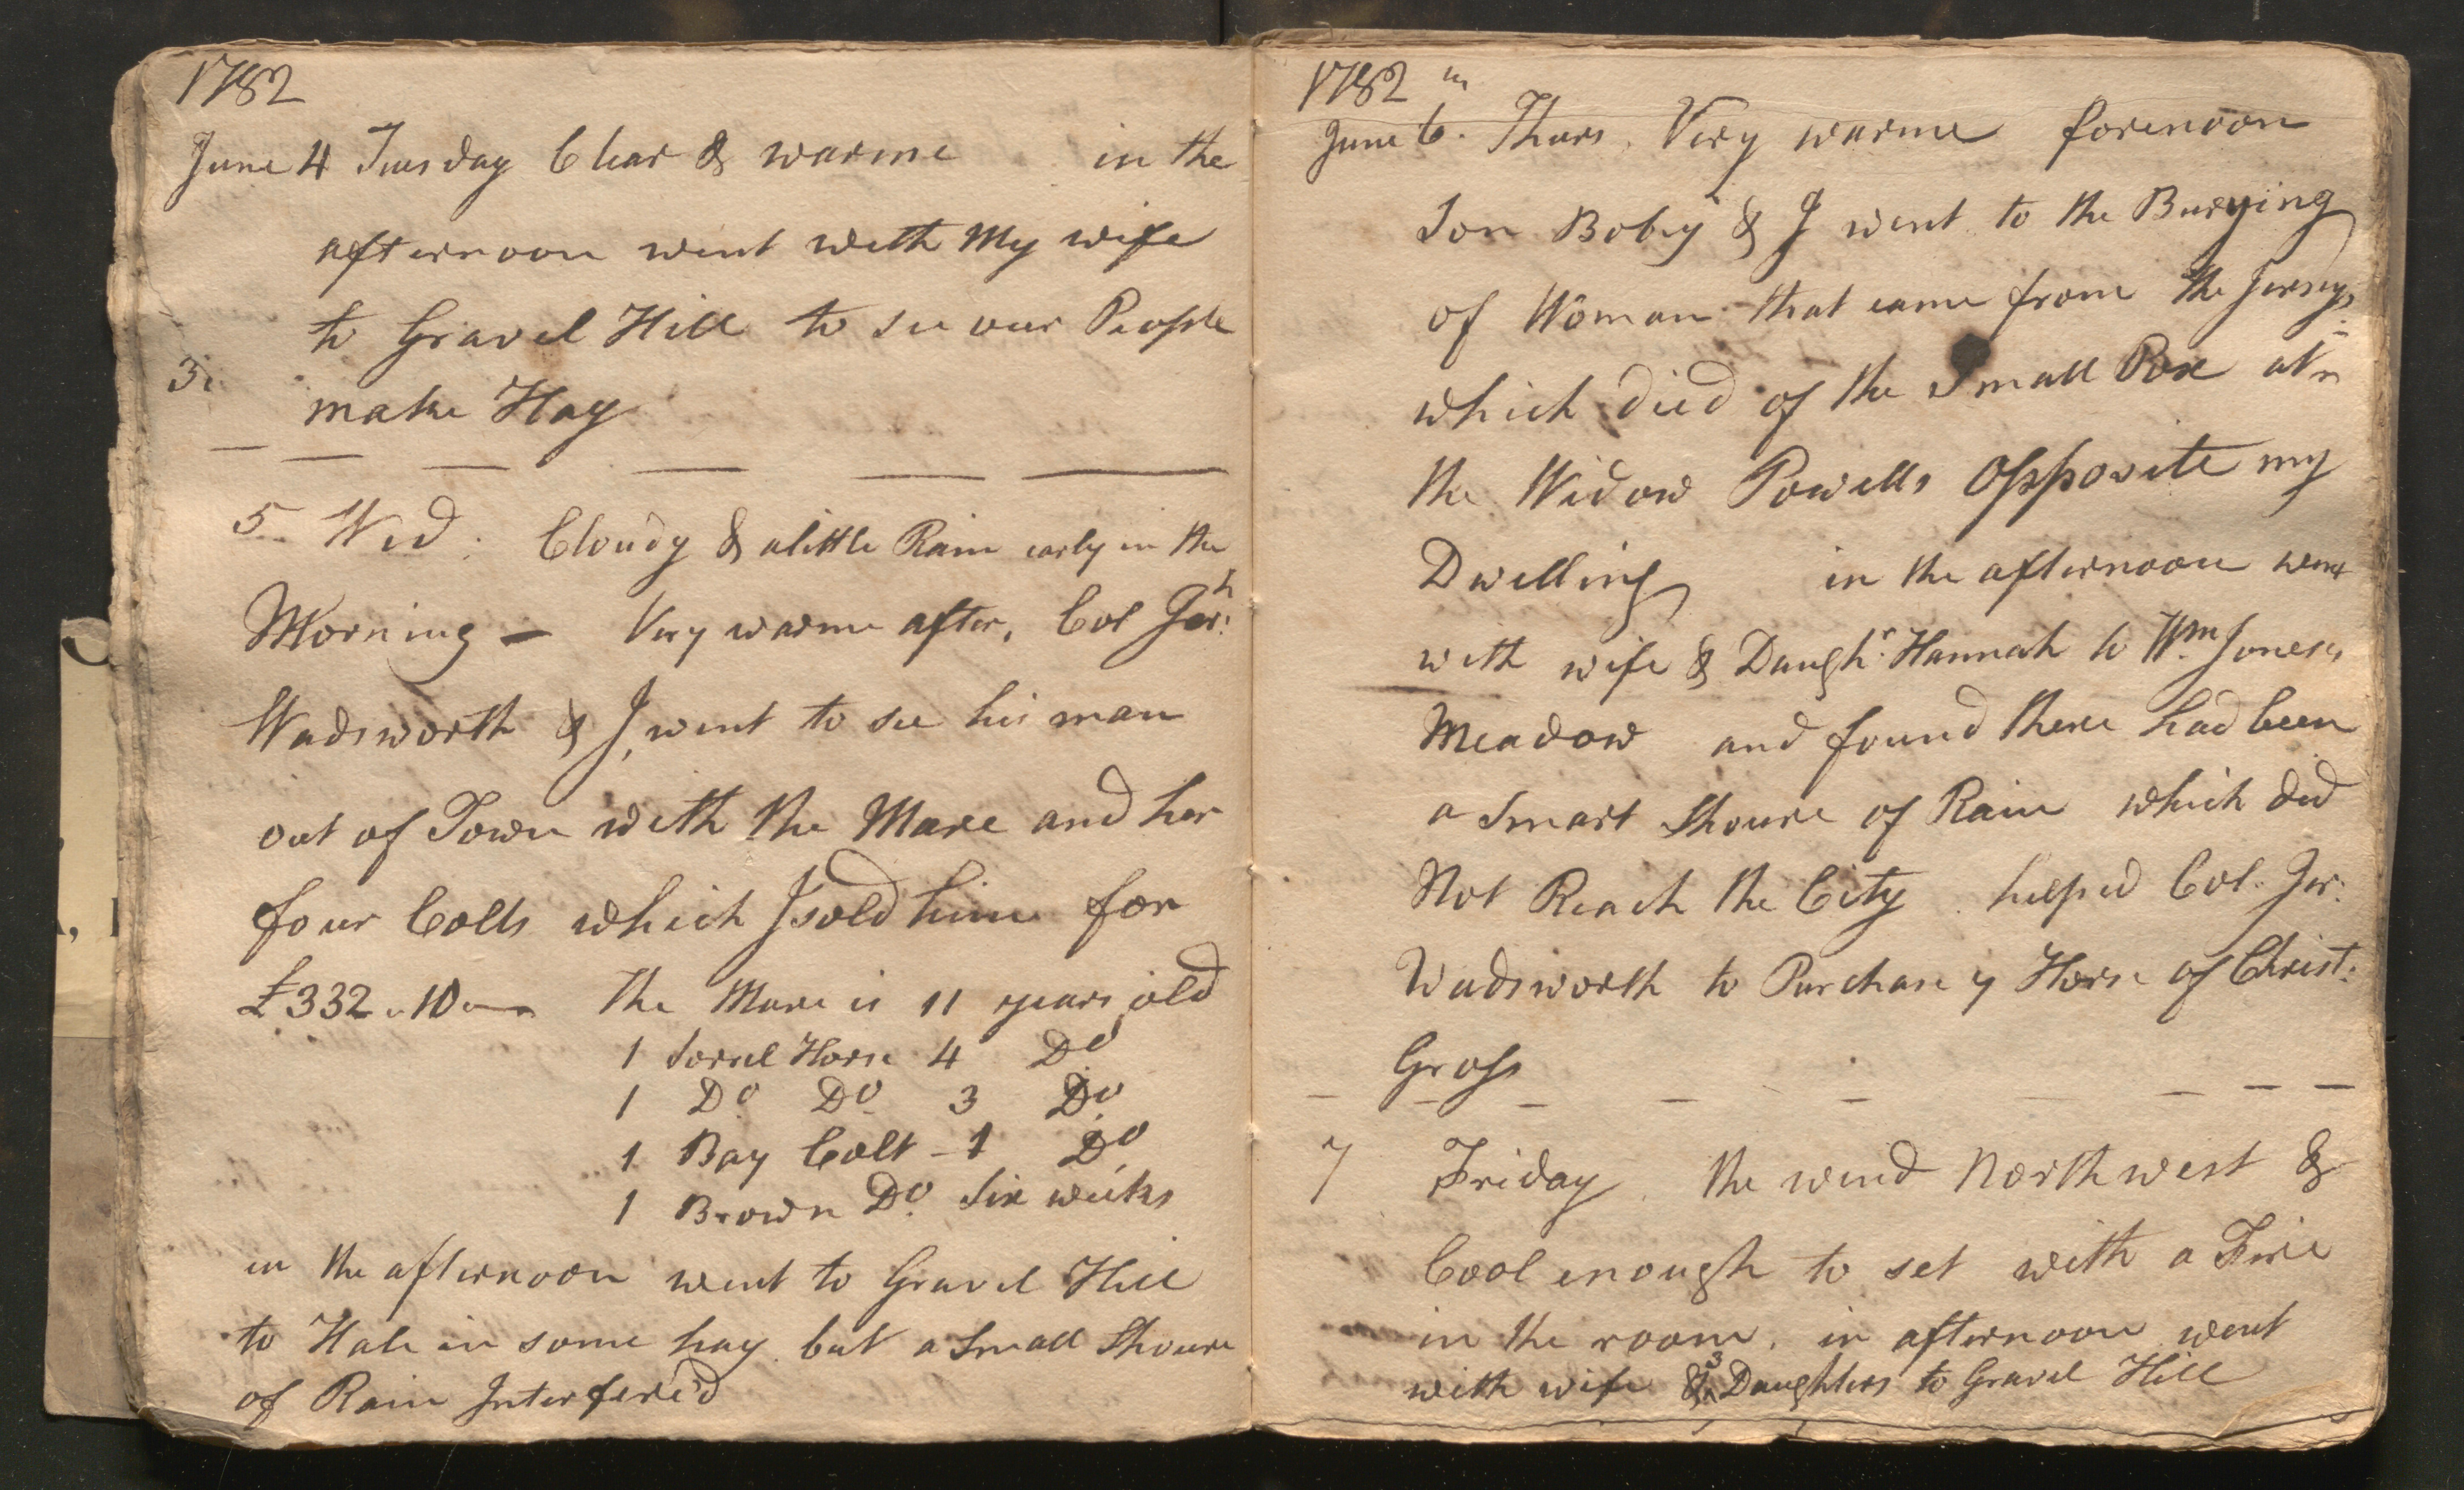1782
June 4 Tuesday Clear & warme in the
afternoon went with My wife
to Gravel Hill to see our People
make Hay
5 Wed. Clouoy & a little Rain early in the
Morning- Very warme after, Col Jos^h.
Wadsworth & I went to see his man
out of Town with the Mare and her
four Colts which I sold him for
£332.10- the Mare is 11 years old
1 Sorrel Horse 4 D^o.
1 D^o. D^o. 3 D^o.
1 Bay Colt 1 D^o.
1 Brown D^o. six weeks
in the afternoon went to Gravel Hill
to Hale in some hay but a small Shoure
of Rain Interfered
1782
June 6^th. Thurs. Very warme forenoon
Son Bobey & I went to the Burying
of Woman that came from the Jersey
which died of the small Pox at
the Widow Powells opposite my
Dwelling in the afternoon went
with wife & Daugh^r. Hannah to W^m. Joneses
Meadow, and found there had been
a smart Shoure of Rain which did
Not Reach the City, helped Col: Jer:
Wadsworth to Purchase 7 Horse of Christ:
Gross
7 Friday the wind North west &
Cool enough to set with a Fire
in the room, in afternoon, went
with wife & ^3 Daughters to Gravel Hill